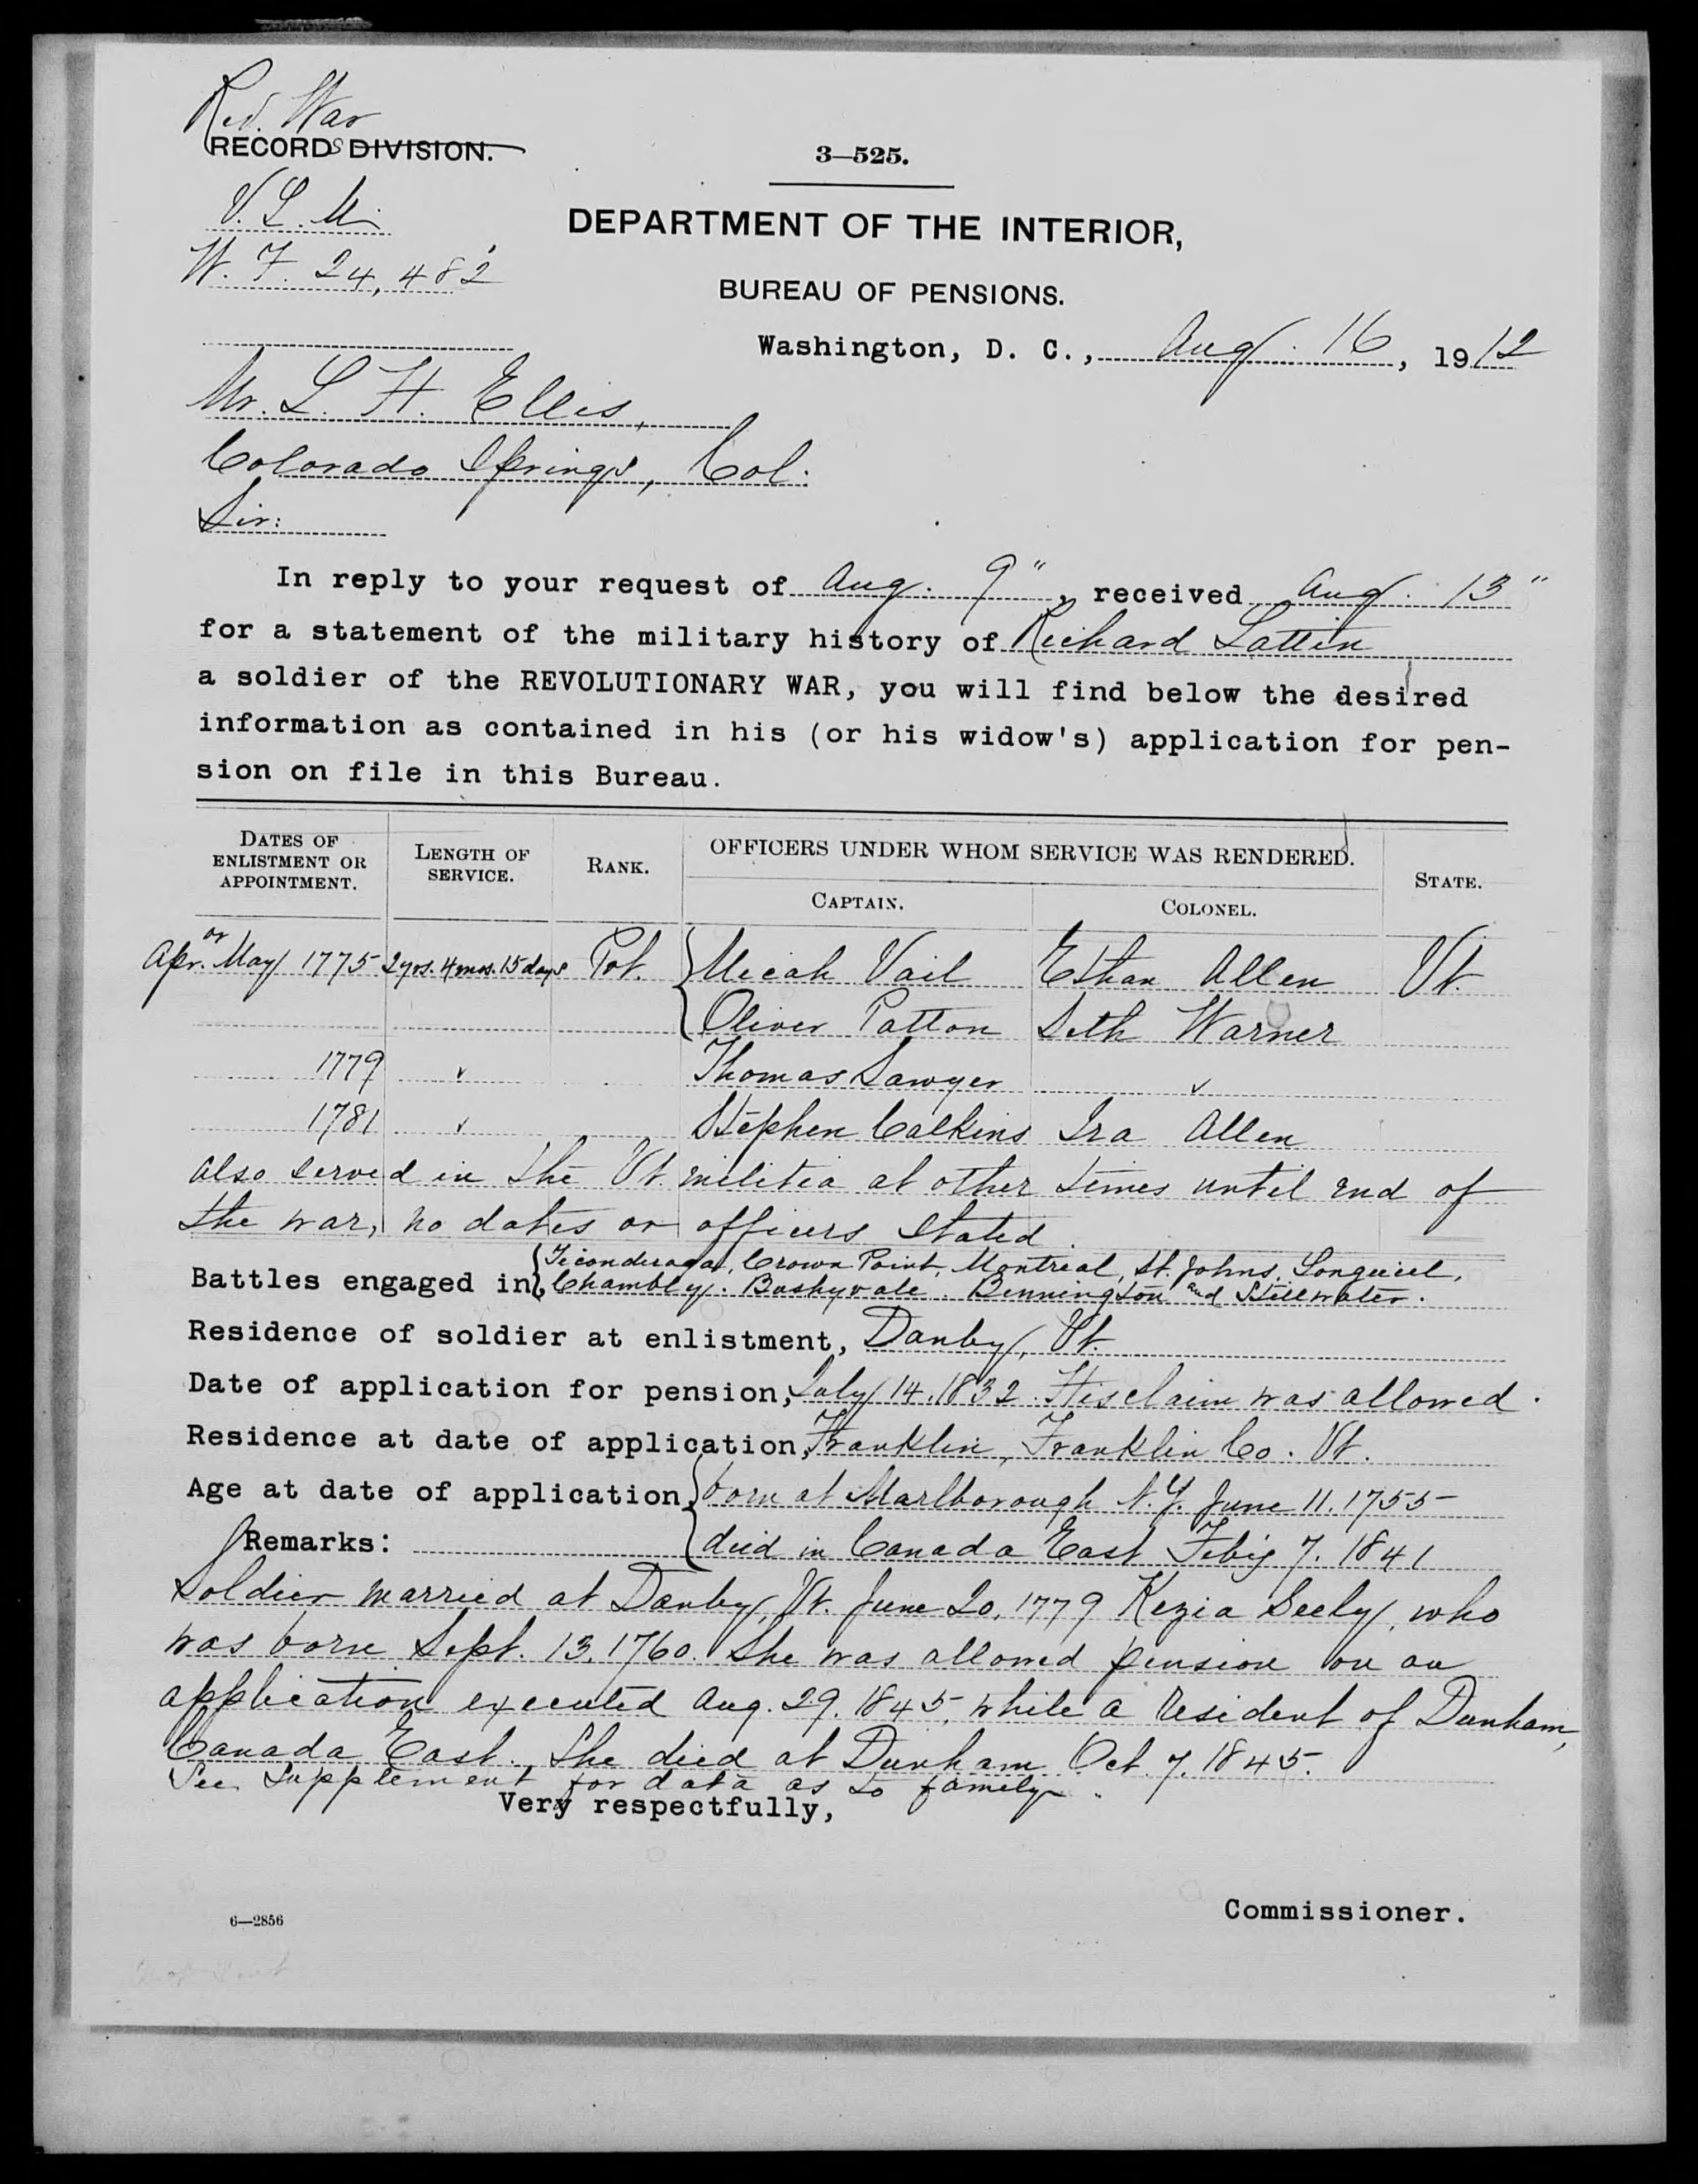Rev. War
RECORDS DIVISION.
V. L. U. 
W.F. 24, 482

3 -- 525.
DEPARTMENT OF THE INTERIOR.
BUREAU OF PENSIONS.
Washington, D. C., Aug 16, 1912

Mr. L H. Ellis
Colorado Springs, Col.
Sir
In reply to your request of Aug. 9, received Aug 13"
for a statement of the military history of Richard Lattin
a soldier of the REVOLUTIONARY WAR, you will find below the desired information as contained in his (or his widow's) application for pension on file in this Bureau.

DATES OF ENLISTMENT OR APPOINTMENT.
Apr or May 1775
1779
1781

LENGTH OF SERVICE.
2 yrs. 4 mos. 15 days
[check mark]
[check mark]

RANK.
Pvt.

OFFICERS UNDER WHOM SERVICE WAS RENDERED.
CAPTAIN.
Micah Vail [&] Oliver Patton
Thomas Sawyer
Stephen Calkins

COLONEL.
Ethan Allen & Seth Warner
[check mark]
Ira Allen

STATE.
Vt.

Also served in the militia at other times until End of
the war, no dates or officers stated.

Battles engaged in Ticonderoga, Crown Point, Montreal, St. John’s, Longuile,  Chambly, Bushyvalel, Bennington and Stillwater
Residence of soldier at enlistment, Danby, Vt.
Date of application for pension, July 14 1832 His claim was allowed
Residence at date of application, Franklin, Franklin Co. Vt.
Age at date of application, born at Marlborough N.Y. June 11. 1755 -died in Canada East Feby 7, 1841
Remarks:
Soldier married at Danby, Vt. June 20, 1779 Kezia Seely, who
was born Sept. 13, 1760. She was allowed pension on an
application executed Aug. 29, 1845, while a resident of Dunham, Canada East. She died at Dunham Oct 7. 1845.
See Supplement for data as to family.

Very respectfully,
Commissioner,
6 -- 2856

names: Seth Warner; Micah Vail; Ethan Allen; Ira Allen; Stephen Calkins; L H Ellis; Thomas Sawyer; Richard Lattin; Oliver Patton; Kezia Seely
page: 25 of 99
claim: widow's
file: W. 24,482, for Richard Lattin, Vermont